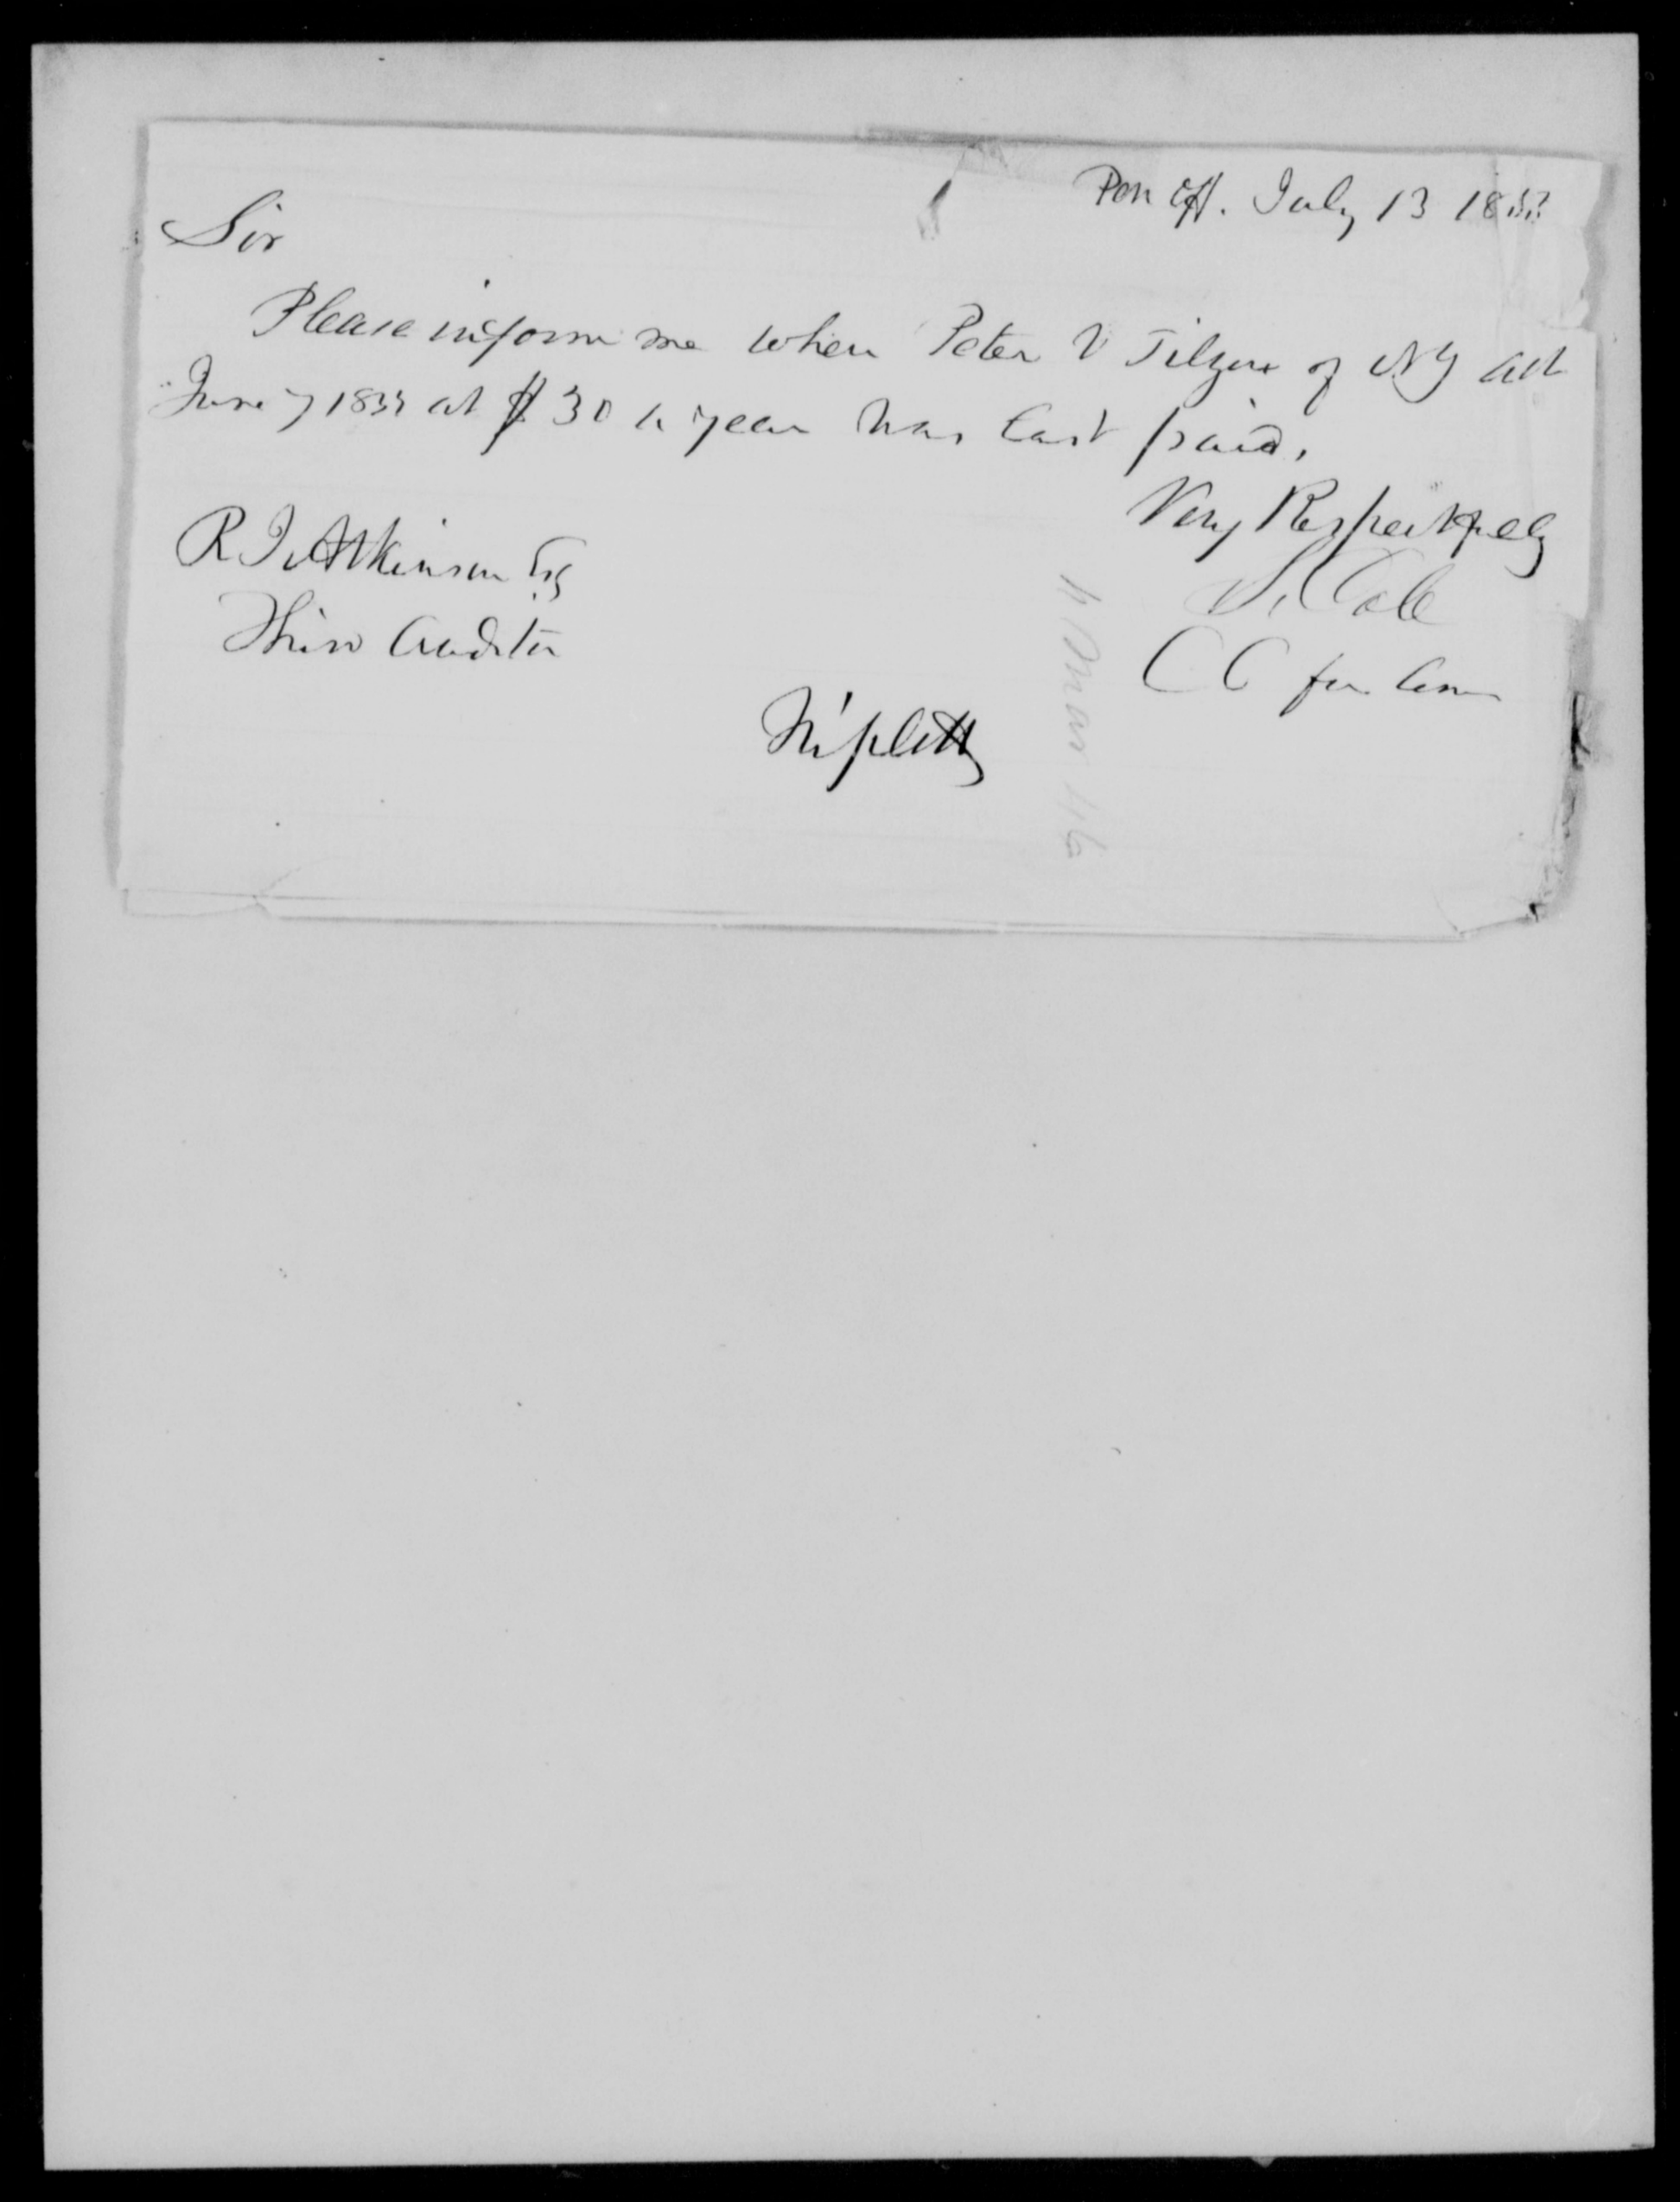Sir
Pon. July 13 1837
2
Please inform me when Peter Viller of NY at
1837 at $30 a year was last paid,
R J Atkinson Esq
Very Respectfully
Then and to
Hale

iplett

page: 49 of 101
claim: widow's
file: W. 25481, for Peter V Tilyou, New Jersey